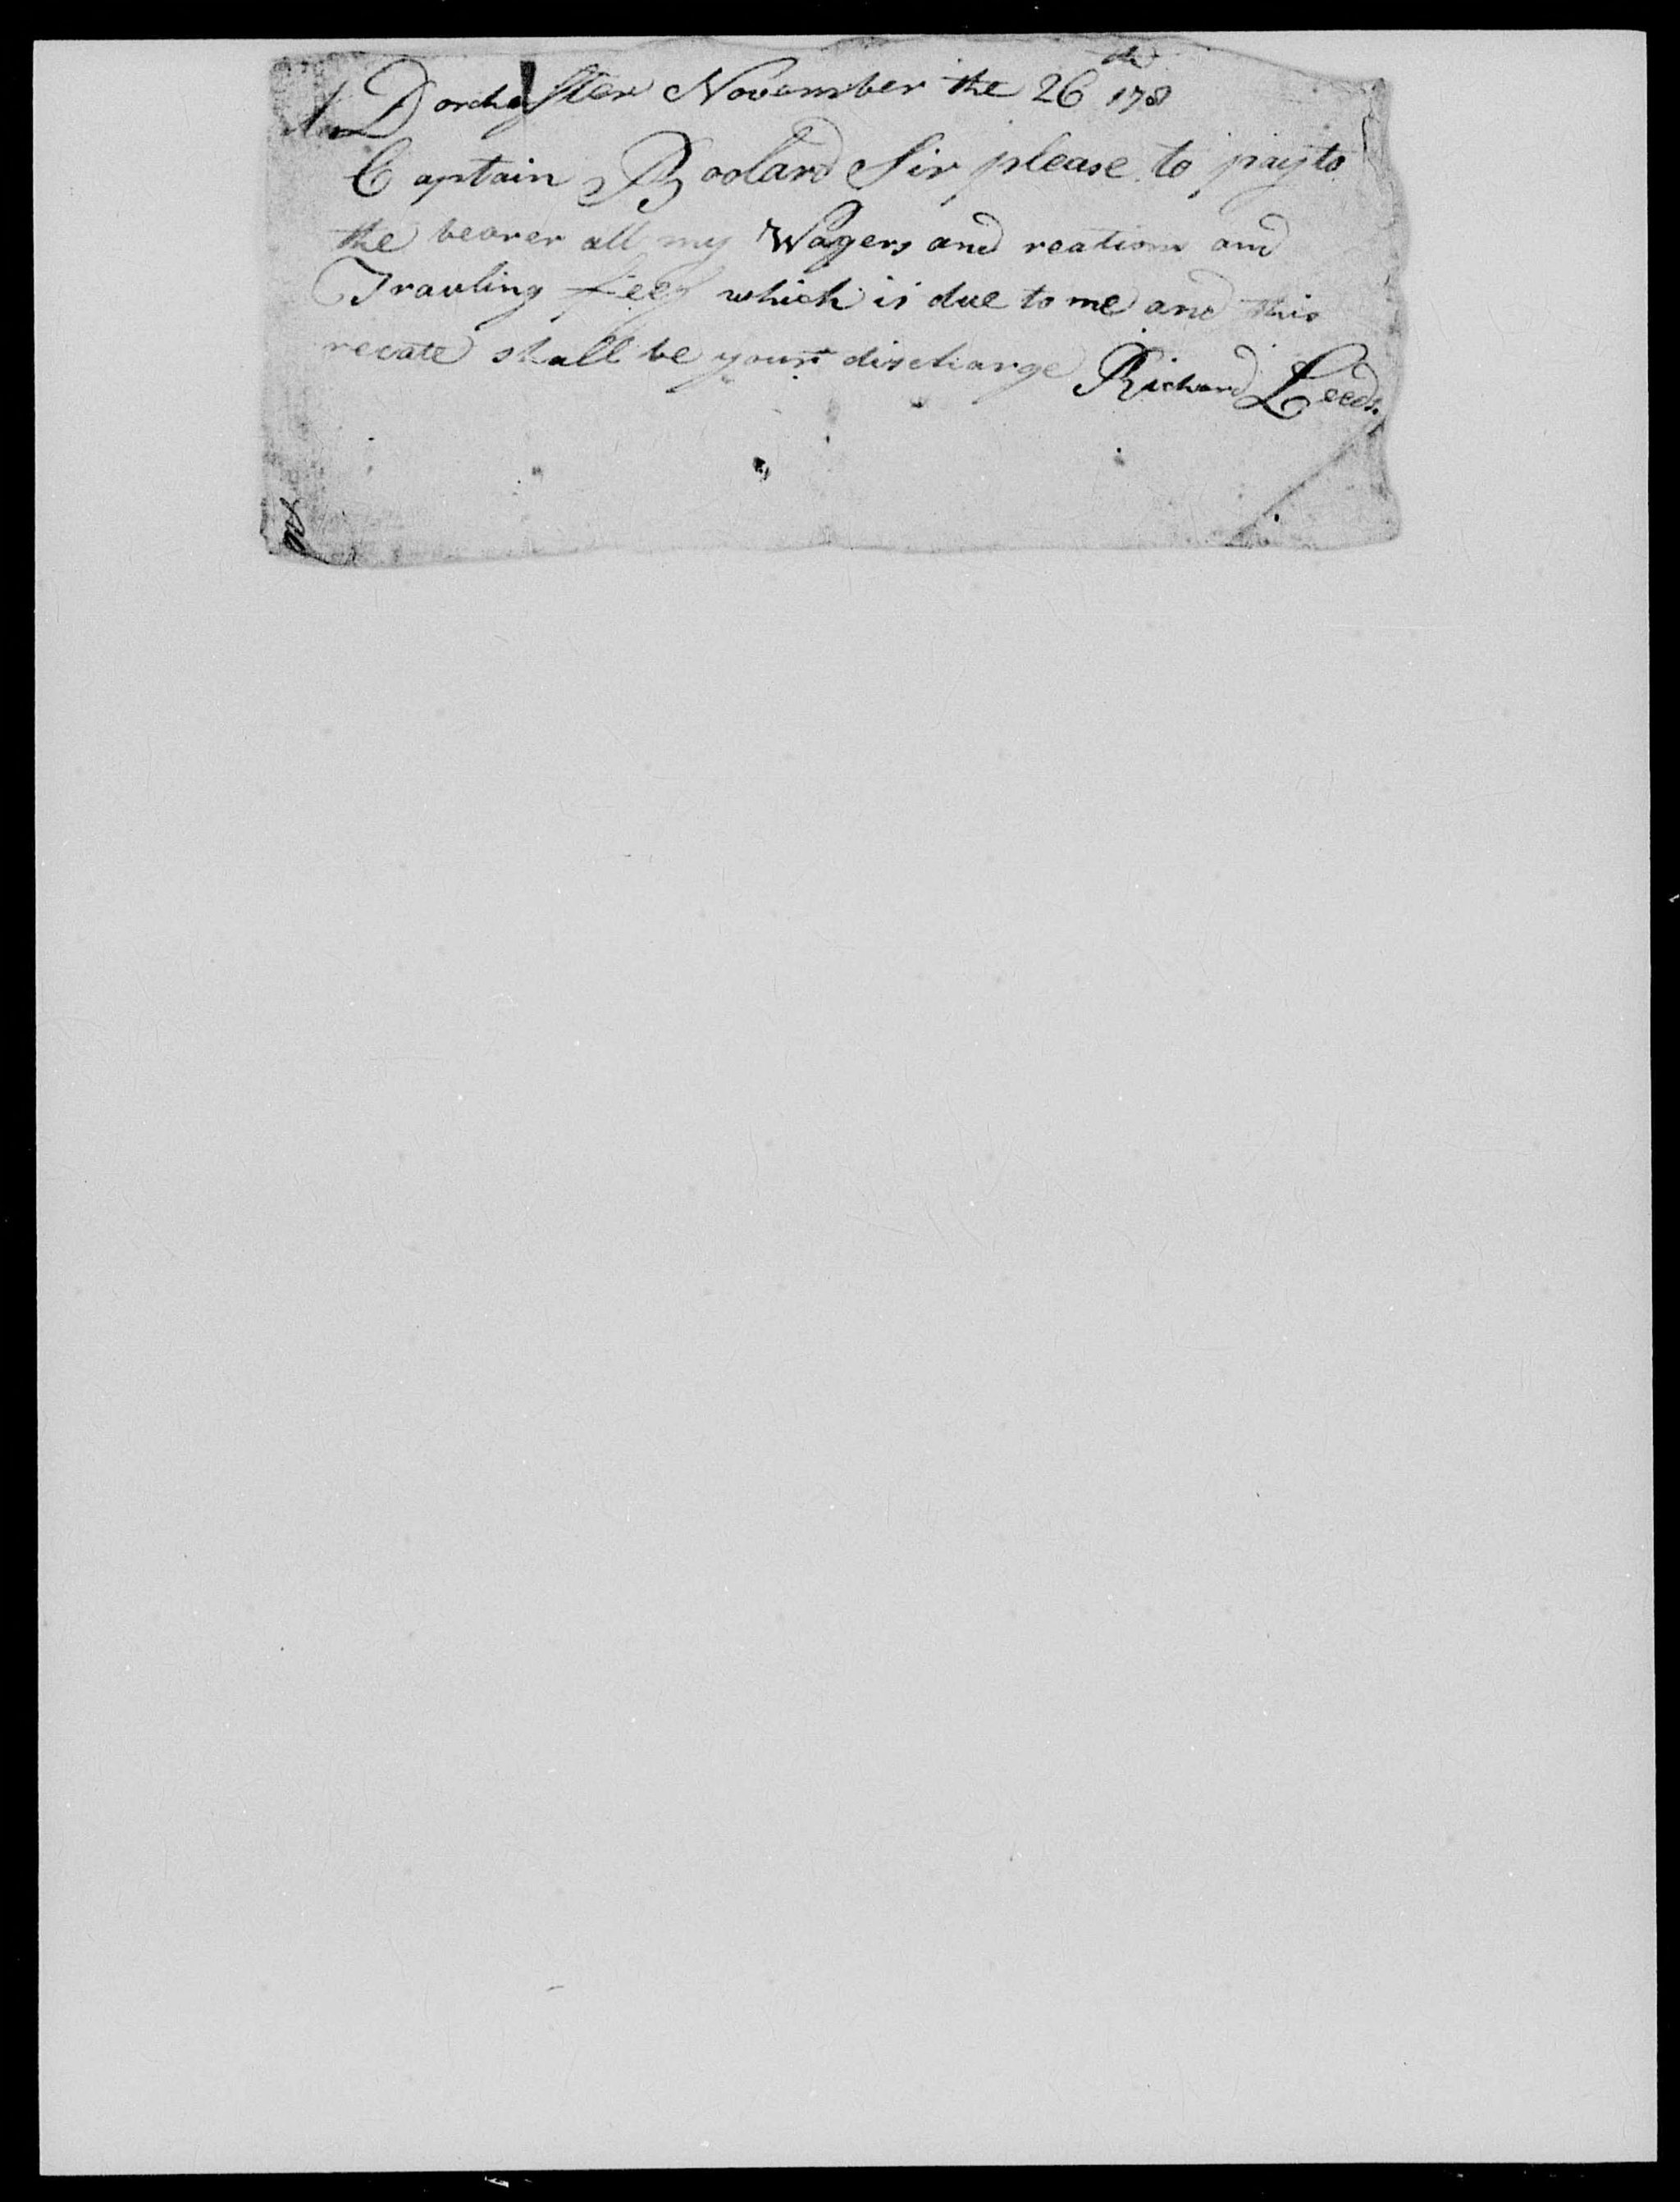Dorchester November the 26th 17[illegible]
Captain Boolard Sir please to pay to
the bearer all my Wages and rations and
Travling fee which is due to me and this
recate shall be your discharge
Richard Leeds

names: Richard Leeds; [BLANK] Boolard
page: 16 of 33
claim: widow's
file: W. 21,567, for Nathan Leeds, Massachusetts